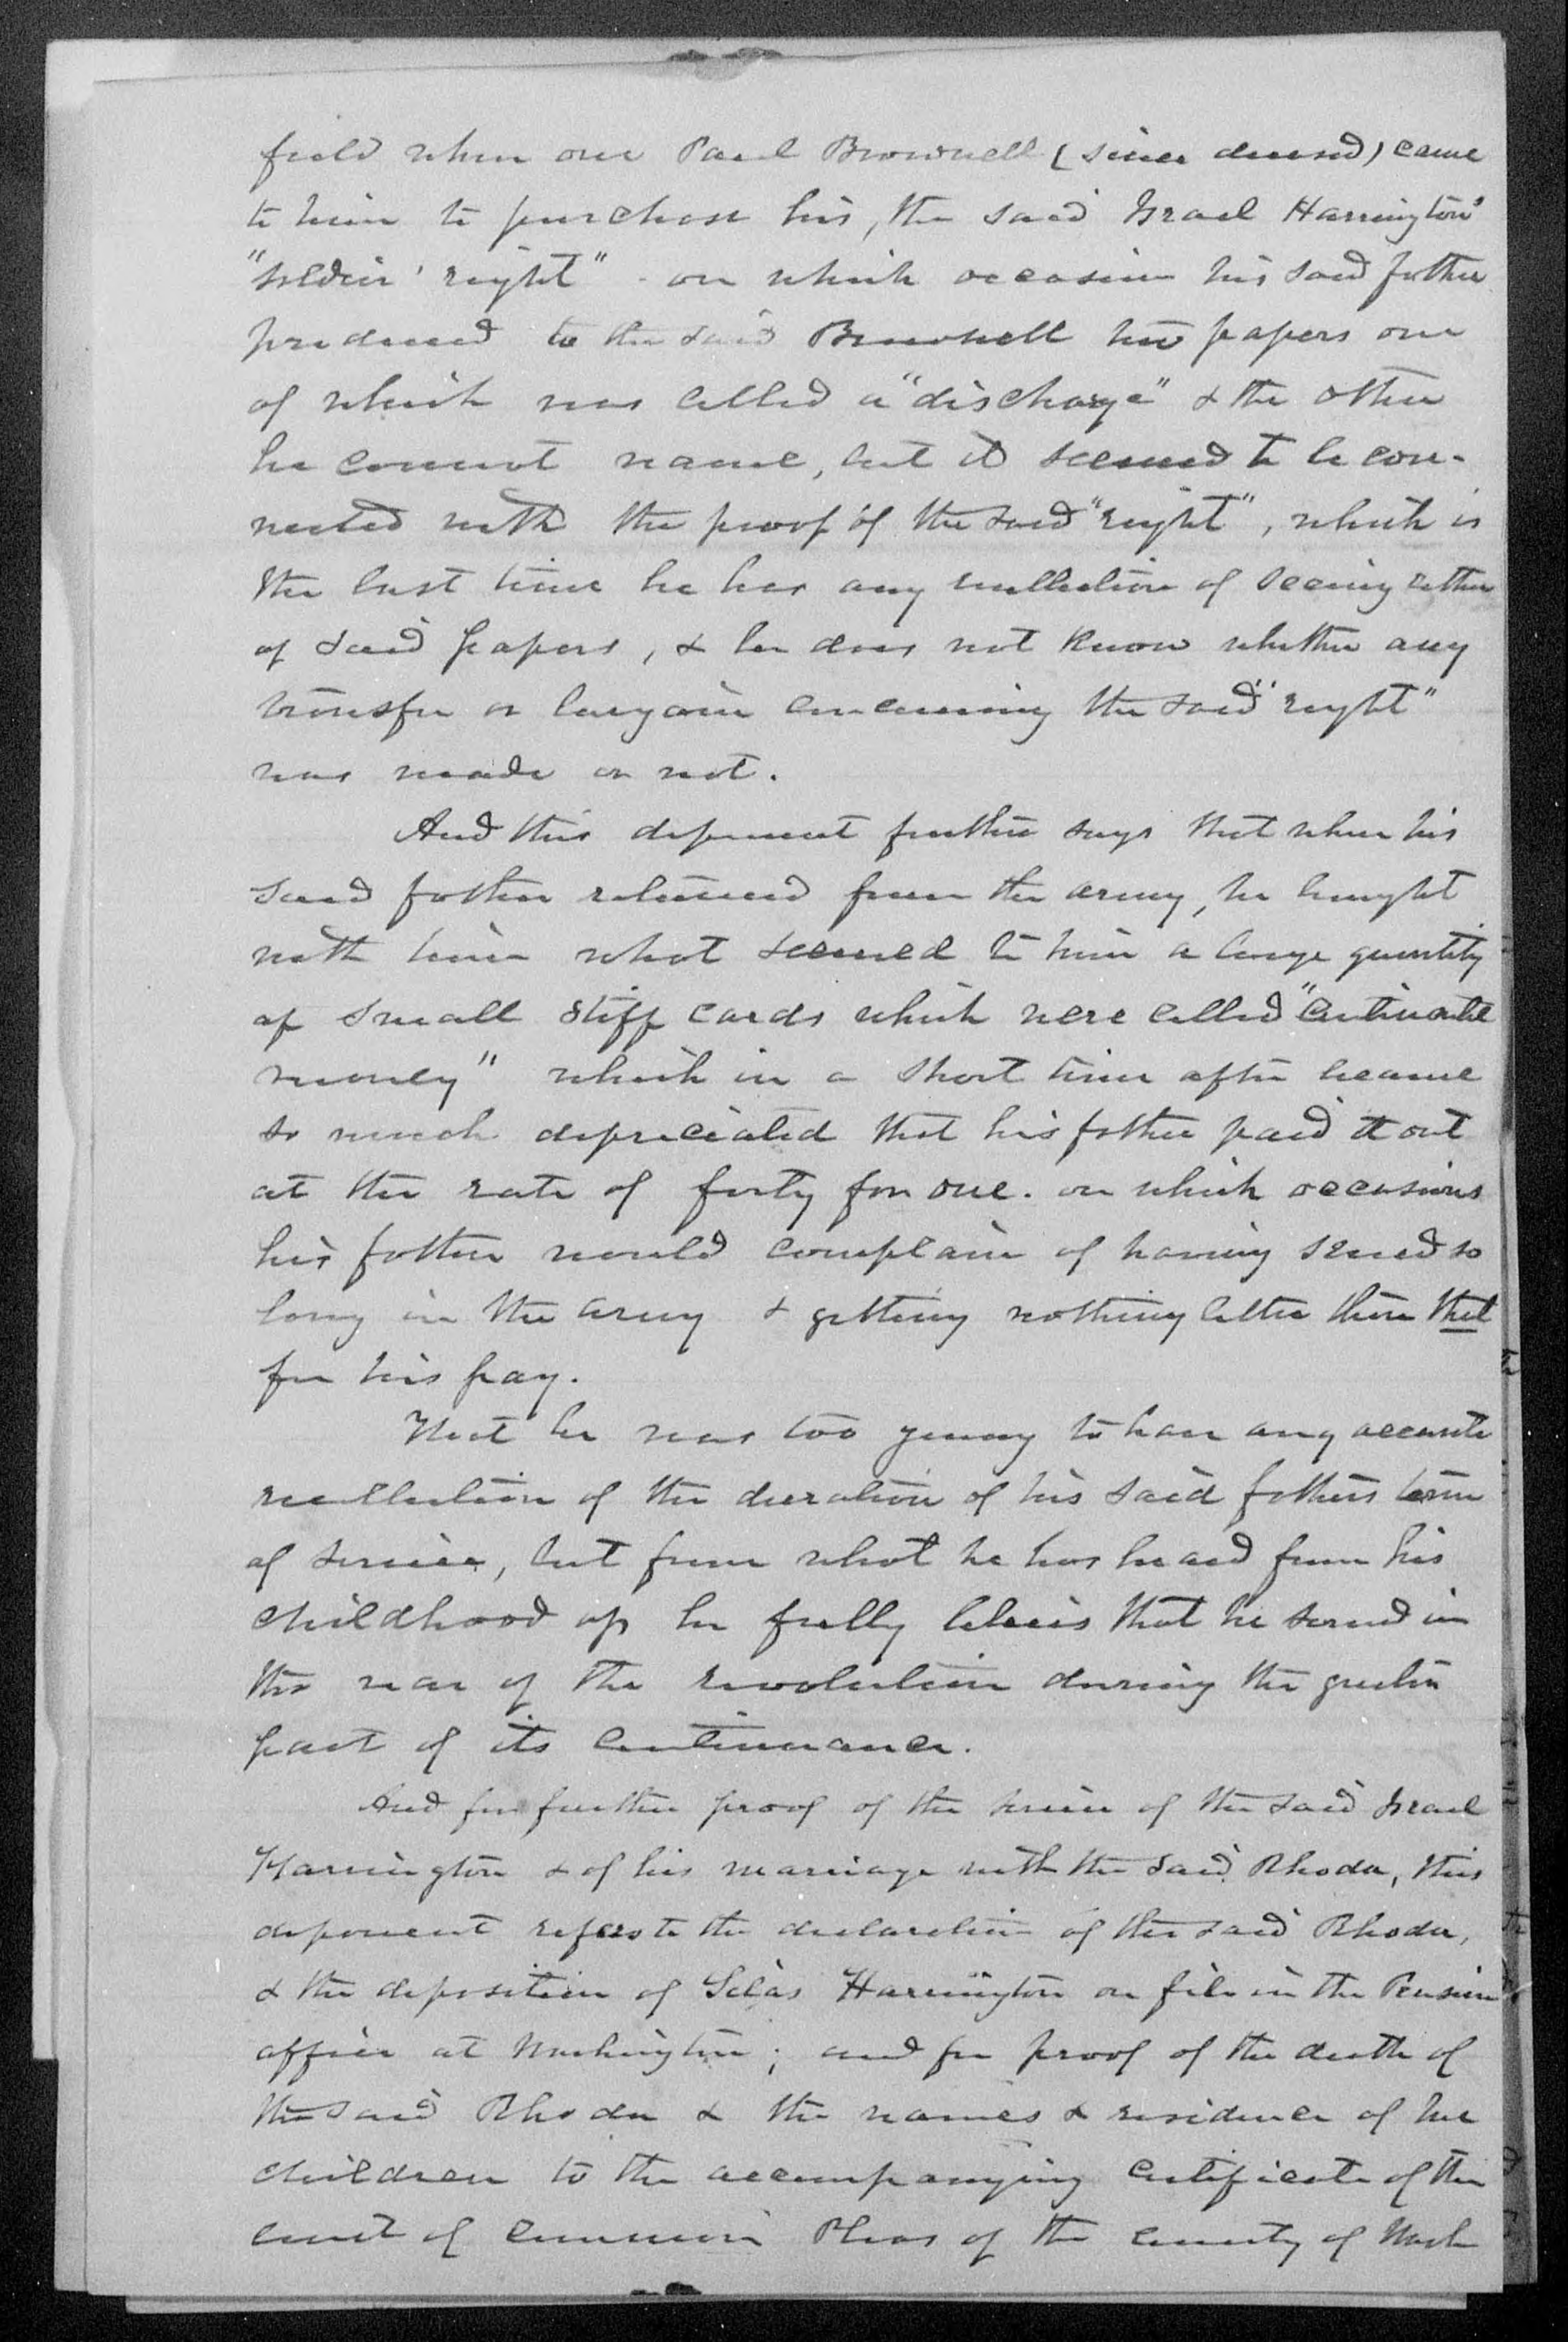field when our Paul Brownell (since deceased) came to him to purchase his, the said Israel Harrington's "soldier right" on which occasion his said father produced to the said Brownell two papers one of which was called a "discharge" & the other he cannot name, but it seemed to be connected with the proof of the said "right", which is the last time he has any recollection of seeing either of said papers, & he does not know whether any transfer or [illegible] concerning the said "right" was made or not.

And this deponent further says that when his said father returned from the army, he brought with him what [illegible] to him a large quantity of small stiff cards which were called "Continental money" which in a short time after became so much depreciated that his father paid it out at the rate of forty for one, on which occasions his father would complain of having served so long in the army & getting nothing better than that for his pay.

That he was too young to have any accurate recollection of the declaration of his said fathers term of Service, but from what he has heard from his childhood up he fully believes that he served in the war of the revolution during the greater part of its continuance.

And for further proof of the service of the said Israel Harrington & of his marriage with the said Rhoda, this deponent refers to the declaration of the said Rhoda, & the deposition of Silas Harrington on file in the Pension office at Washington; and for proof of the death of the said Rhoda & the names & remainder of her children to the accompanying certificate of the Court of Common Pleas of the County of Wash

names: Silas Harrington, Paul Brownell, Rhoda, Israel Harrington, Israel Harrington, Rhoda, Rhoda, Brownell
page: 25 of 51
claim: widow's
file: W. 19,026, Israel Harrington, R.I.